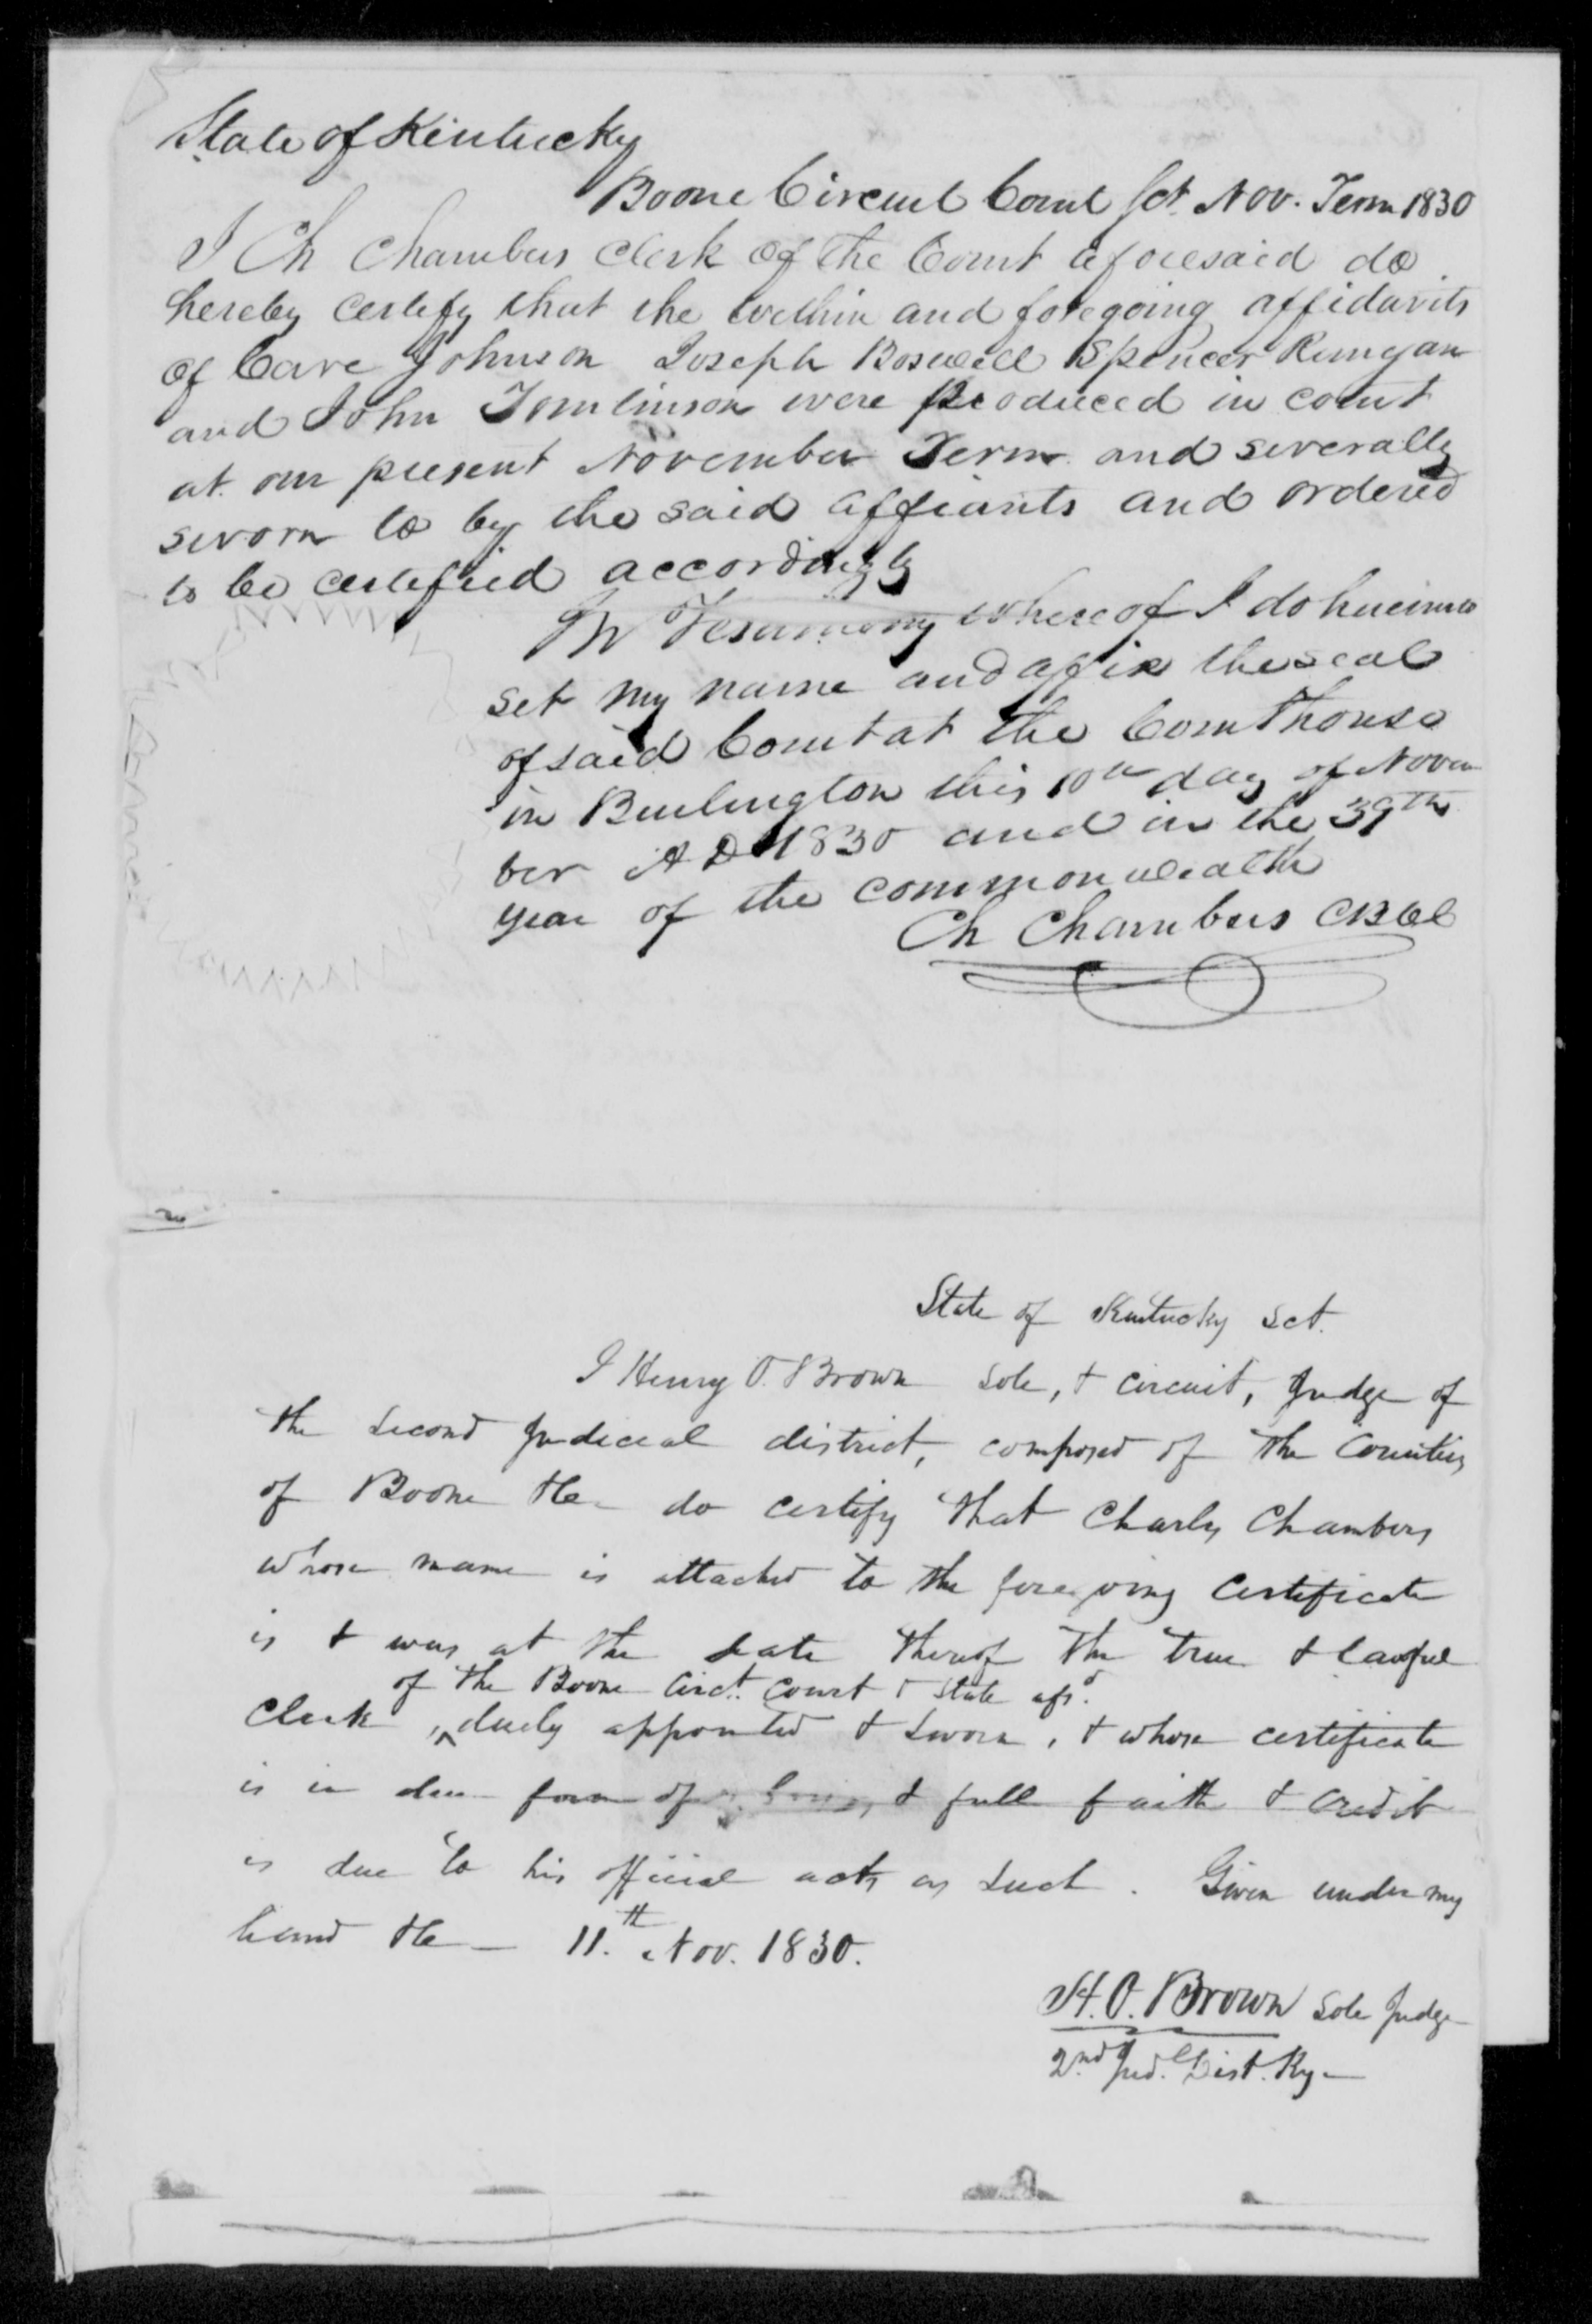State of Kentucky 
Boone Circuit Court Set Nov. Term 1830
I Ch Chambers Clerk of the Court aforesaid do
hereby certify that the within and foregoing affidavits
of Cave Johnson Joseph Boswell Spencer Runyan
and John Tomlinson were produced in Court
at our present November Term and severally
Sworn to by the said affiants and ordered
to be certified accordingly.

In Testimony whereof I do hereunto
set my name and affix the seal
of said Court at the Courthouse
in Burlington this 10th day of November 
AD 1830 and in the 39th
year of the Commonwealth
Ch Chambers Clerk

State of Kentucky Set
I Henry O. Brown sole & circuit, Judge of
the second Judicial district, composed of the County
of Boone then do certify that Charles Chambers
whose name is attached to the foregoing certificate
is & was at the date thereof the true & lawful
Clerk of the Boone Circt Court & State afrd duly appointed & sworn, & whose certificate
is in due form of law & full faith & credit
due to his official acts as such. Given under my
hand & 11th Nov. 1830.
H.O. Brown Sole Judge
2nd Judl. Dist. Ky.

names: Ch Chambers, H O Brown, John Tomlinson, Ch Chambers, Charles Chambers, Cave Johnson, Henry O Brown, Spencer Runyan, Joseph Boswell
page: 51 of 51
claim: rejected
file: R. 10,921, William Vawter, Va.